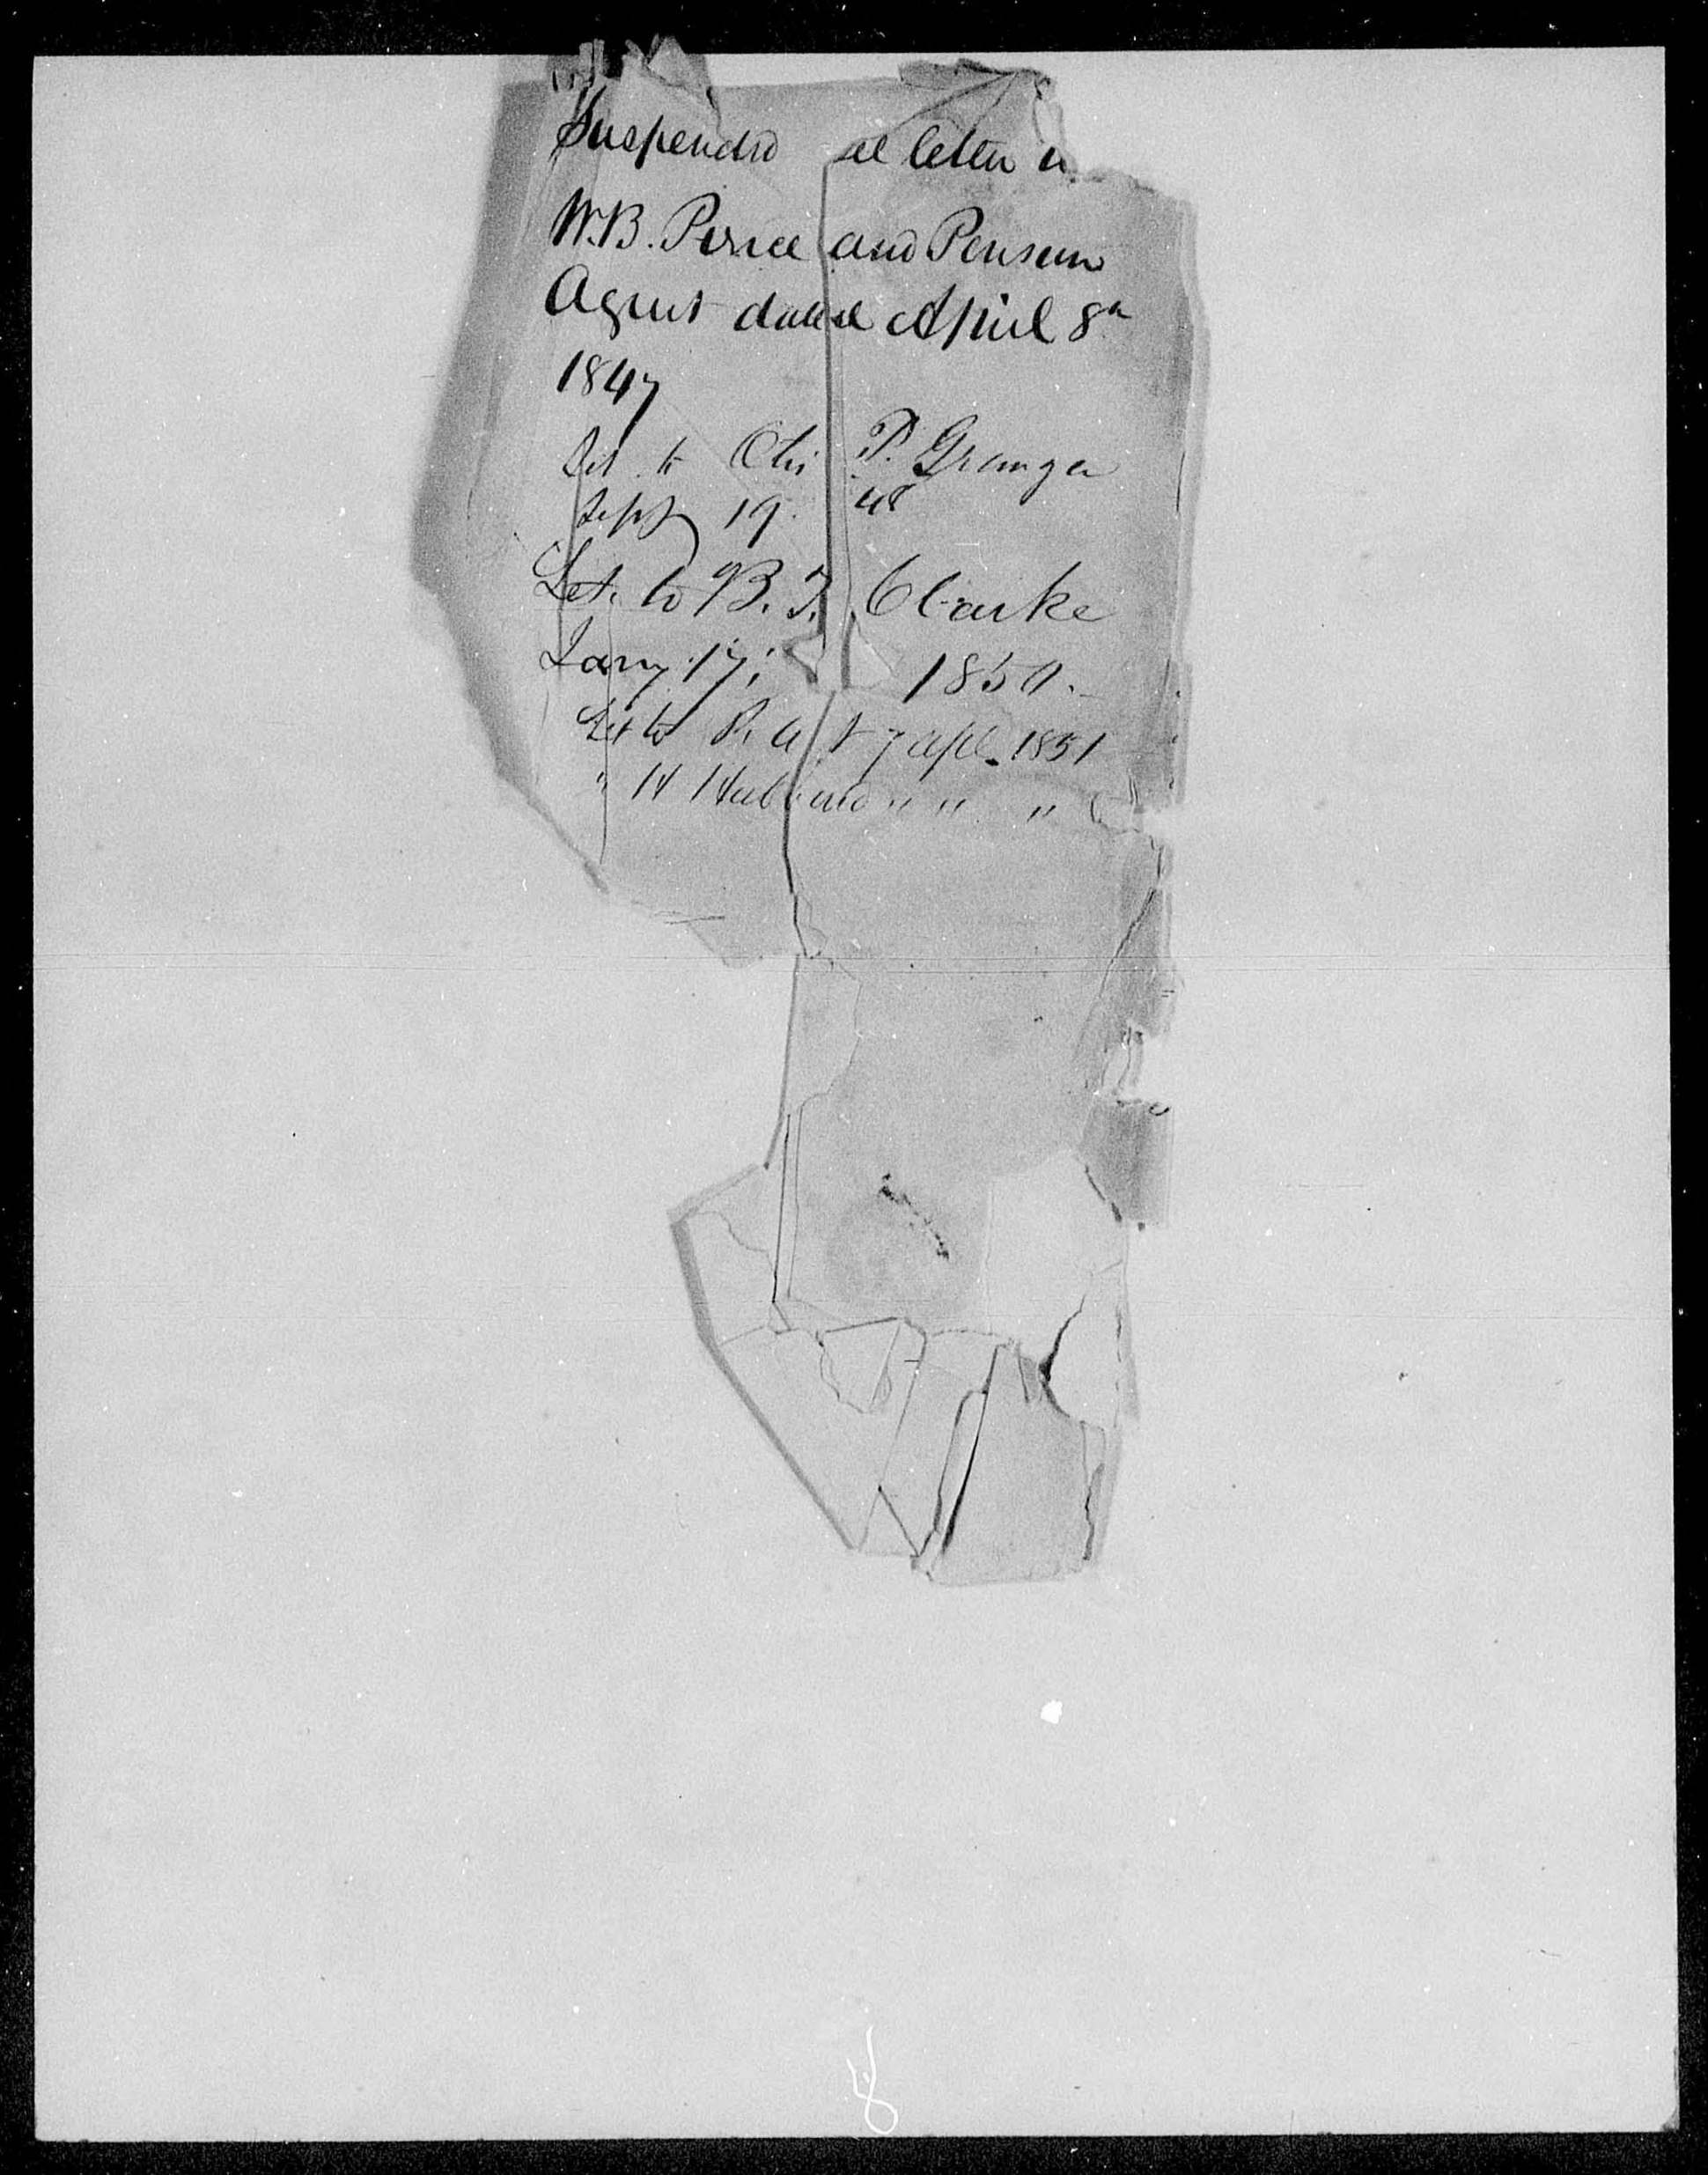Suspended al letter W.B. Pierce and Pension Agent dated April 8th 1847 Let. to Otis P. Granger Sept. 19 48 Let. to B. T. Clarke Jany 17, 1850. Let to P.A. 17 Apl. 1851 " H Hubbard " " "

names: Hubburt, P A, B T Clarke, W B Pierce, Otis P Granger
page: 32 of 61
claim: survivor's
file: S. 22798, Paul Griffiths, R.I.